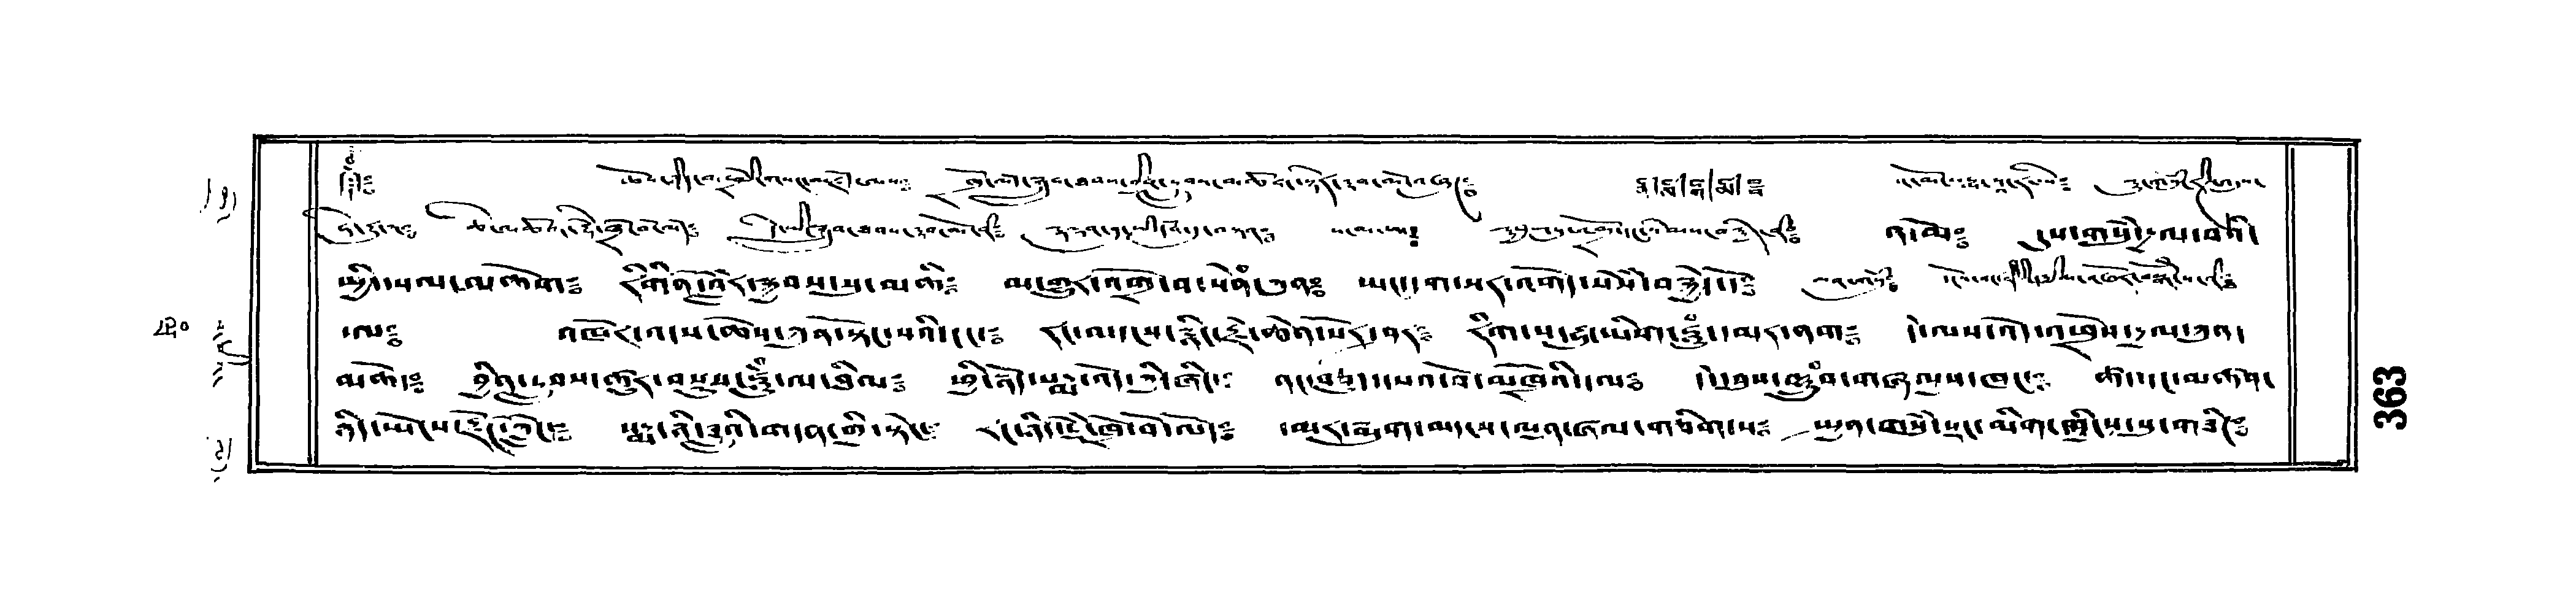ཆོས་ཉིད་མཁའ་འགྲོའི་གསང་མཛོད་ལས༔ གྲོ་ལོད་སྒྲུབ་ཐབས་བྱིན་རླབས་མཆོག་སྟེར་ཟབ་མོ་བཞུགས༔ ན་མོ་པདྨ་ཀཱ་ར་ཡེ༔ སྐུ་གསུམ་རིགས་འདུས་
ཧེ་རུ་ཀ༔ ཆེ་མཆོག་རྡོ་རྗེ་ཁྲོ་བོ་ལོད༔ དེ་ཡི་སྒྲུབ་ཐབས་ཟབ་མོ་ནི༔ སྐལ་ལྡན་བུ་ཡི་དོན་དུ་བསྟན༔ ས་མ་ཡ༔ སྐྱབས་སུ་འགྲོ་དང་སེམས་བསྐྱེད་ནི༔ ན་མོ༔ དུས་གསུམ་རྒྱལ་བའི་
སྤྱི་དཔལ་མཆོག༔ རིག་འཛིན་བླ་མར་སྐྱབས་སུ་མཆི༔ མ་གྱུར་འགྲོ་བ་སེམས་ཅན་ཀུན༔ ཡང་དག་སར་འགོད་སེམས་བསྐྱེད་དོ༔ ལན་གསུམ༔ དངོས་གཞིའི་དཀྱིལ་འཁོར་བསྒོམ་པ་ནི༔ 
ཨཱཿ འཁོར་འདས་ཆོས་ཀུན་སྟོང་པའི་ངང༔ རང་མདངས་སྙིང་རྗེ་ཆེན་པོར་ཤར༔ རིག་པ་རྒྱུ་ཡིག་ཧཱུྃ་དམར་ནག༔ དེ་ལས་འོད་འཕྲོས་རྒྱལ་ཀུན་
མཆོད༔ བྱིན་རླབས་ཚུར་བསྡུས་ཧཱུྃ་ལ་ཐིམ༔ ཕྱི་སྣོད་པདྨ་འོད་ཀྱི་ཞིང༔ ནང་བཅུད་དཔའ་བོ་མཁའ་འགྲོའི་དལ༔ དེ་དབུས་ལྷུན་གྲུབ་གཞལ་ཡས་ཁང༔ ཚད་དང་མཚན་
ཉིད་ཡོངས་རྫོགས་ཀློང༔ པདྨ་ཉི་ཟླའི་གདན་གྱི་སྟེང༔ རང་ཉིད་རྡོ་རྗེ་གྲོ་བོ་ལོད༔ དམར་སྨུག་མདངས་ལྡན་ཞལ་གཅིག་པ༔ སྤྱན་གསུམ་སྡང་མིག་དབྱིངས་སུ་གཟིགས༔